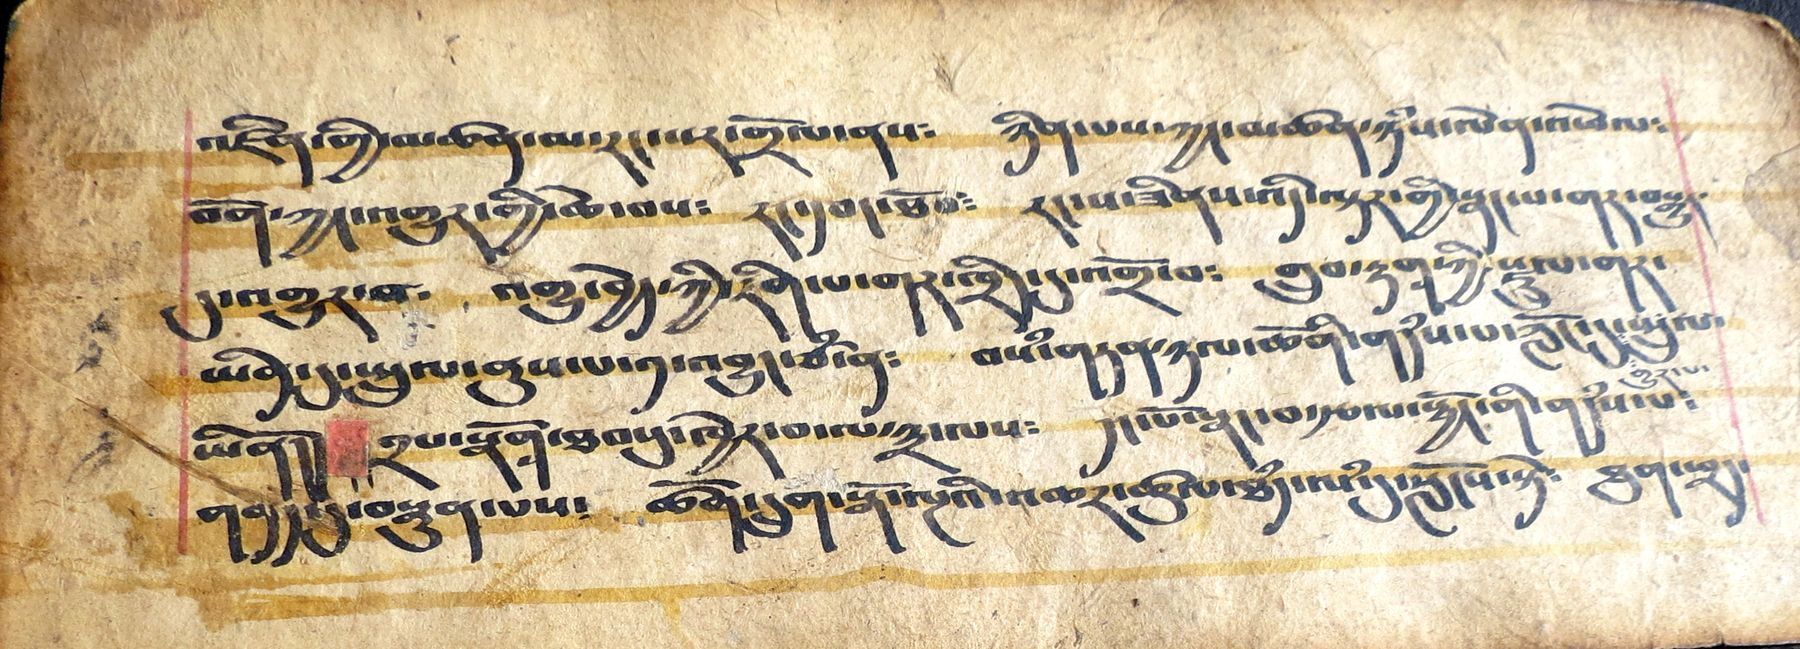འཛིན་གྱི་མཚན་མ་རང་སར་གྲོལ་ནས། ཉིན་བས་ཀྱང་མཚན་ཉམས་ལེན་འཕེལ། 
བོགས་ཀྱང་འགྱུར་གྱིས་ཆེ་བས། རང་དབང་ཐོབ། རང་ས་ཟིན་ནས། འདི་ལྟར་གྱི་སྣང་བ་གར་སྒྱུར་
དུ་འགྱུར་བས། འགྱུ་བྱེད་ཀྱི་རིག་པ་གར་ཁྲིད་དུ་འགྲོ་བ། གྲུབ་རྟགས་ཀྱི་རྫུ་འཕྲུལ་གང་
ཡིན་དུ་སྤྲུལ་ནུས་པ་ཞིག་བྱུང་ཙམ་ནས། བསམ་གཏན་ཉལ་ཆོག་གི་གདམས་པ་ཀློང་དུ་གྱུར་པ་བྱ་བ་
ཡིན་ནོ། ། གཉིས་པ་སྣ་ཚོགས་ཐབས་སུ་ཁྱེར་བ་ལ་གསུམ་ལ། དང་པོ་སྣང་བ་རྩལ་སྦྱོང་གི་གདམས་པ་
གནད་དུ་བསྣུན་པ་གནད་དུ་བསྣུན་པ་ཚོགས་དྲུག་སྒོ་ལྔའི་འཆར་ཚུལ་ཐམས་ཅད་ལམ་དུ་སློང་སྟེ། ཐུག་འཕྲད་